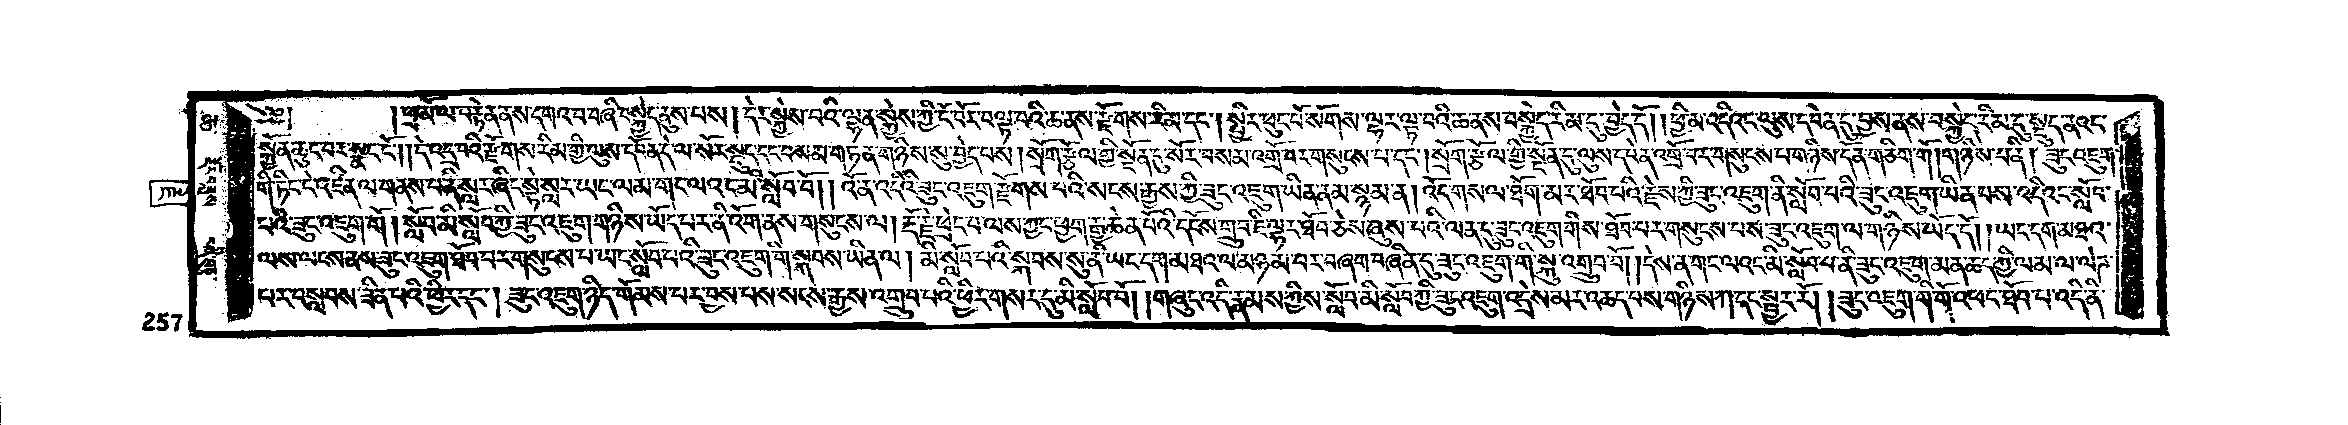༄༅། །ཕྲ་མོ་ལ་བརྟེན་ནས་དགའ་བ་བཞི་བསྐྱེད་ནུས་པས། དེར་སྐྱེས་པའི་ལྷན་སྐྱེས་ཀྱི་ངོ་བོར་བལྟ་བའི་ཆ་ནས་རྫོགས་རིམ་དང་། སྤྱིར་ཕུང་པོ་སོགས་ལྷར་ལྟ་བའི་ཆ་ནས་བསྐྱེད་རིམ་དུ་བྱེད་དོ། །ཕྱི་མ་འདིའང་ལུས་དབེན་དུ་བྱས་ནས་བསྐྱེད་རིམ་དུ་སྡུད་ནའང་
སྐྱོན་ཆུང་བར་སྣང་ངོ། །དེ་འདྲ་བའི་རྫོགས་རིམ་གྱི་ལུས་དབེན་དེ་ལ་སོར་སྡུད་དང་བསམ་གཏན་གཉིས་སུ་བྱེད་པས། སྲོག་རྩོལ་གྱི་སྔོན་དུ་སོར་བསམ་འགྲོ་བར་གསུངས་པ་དང་། སྲོག་རྩོལ་གྱི་སྔོན་དུ་ལུས་དབེན་འགྲོ་བར་གསུངས་པ་གཉིས་དོན་གཅིག་གོ །གཉིས་པ་ནི། ཟུང་འཇུག་
གི་ཏིང་ངེ་འཛིན་ལ་གནས་པ་ནི་སླར་ཞིང་སྟེ་སླར་ཡང་ལམ་གང་ལའང་མི་སློབ་བོ། །འོ་ན་འདིའི་ཟུང་འཇུག་རྫོགས་པའི་སངས་རྒྱས་ཀྱི་ཟུང་འཇུག་ཡིན་ནམ་སྙམ་ན། འོད་གསལ་ཐོག་མར་ཐོབ་པའི་རྗེས་ཀྱི་ཟུང་འཇུག་ནི་སློབ་པའི་ཟུང་འཇུག་ཡིན་པས་འདིའང་སློབ་
པའི་ཟུང་འཇུག་གོ །སློབ་མི་སློབ་ཀྱི་ཟུང་འཇུག་གཉིས་ཡོད་པར་ནི་འོག་ནས་གསུངས་ལ། རྡོ་རྗེ་ཕྲེང་བ་ལས་ཀྱང་ཕྱག་རྒྱ་ཆེན་པོའི་དངོས་གྲུབ་ཇི་ལྟར་ཐོབ་ཅེས་ཞུས་པའི་ལན་དུ་ཟུང་འཇུག་གིས་ཐོབ་པར་གསུངས་པས་ཟུང་འཇུག་ལ་གཉིས་ཡོད་དོ། །ཡང་དག་མཐའ་
ལས་ལངས་ནས་ཟུང་འཇུག་ཐོབ་པར་གསུངས་པ་ཡང་སློབ་པའི་ཟུང་འཇུག་གི་སྐབས་ཡིན་ལ། མི་སློབ་པའི་སྐབས་སུ་ནི་ཡང་དག་མཐའ་ལ་མཉམ་པར་བཞག་བཞིན་དུ་ཟུང་འཇུག་གི་སྐུ་འགྲུབ་བོ། །དེས་ན་གང་ལའང་མི་སློབ་པ་ནི་ཟུང་འཇུག་མན་ཆད་ཀྱི་ལམ་ལ་ལེགས་
པར་བསླབས་ཟིན་པའི་ཕྱིར་དང་། ཟུང་འཇུག་ཉིད་གོམས་པར་བྱས་པས་སངས་རྒྱས་འགྲུབ་པའི་ཕྱིར་གསར་དུ་མི་སློབ་བོ། །གཞུང་འདི་རྣམས་ཀྱིས་སློབ་མི་སློབ་ཀྱི་ཟུང་འཇུག་འདྲེས་མར་འཆད་པས་གཉིས་ཀ་དང་སྦྱར་རོ། །ཟུང་འཇུག་གི་གོ་འཕང་ཐོབ་པ་འདི་ནི་